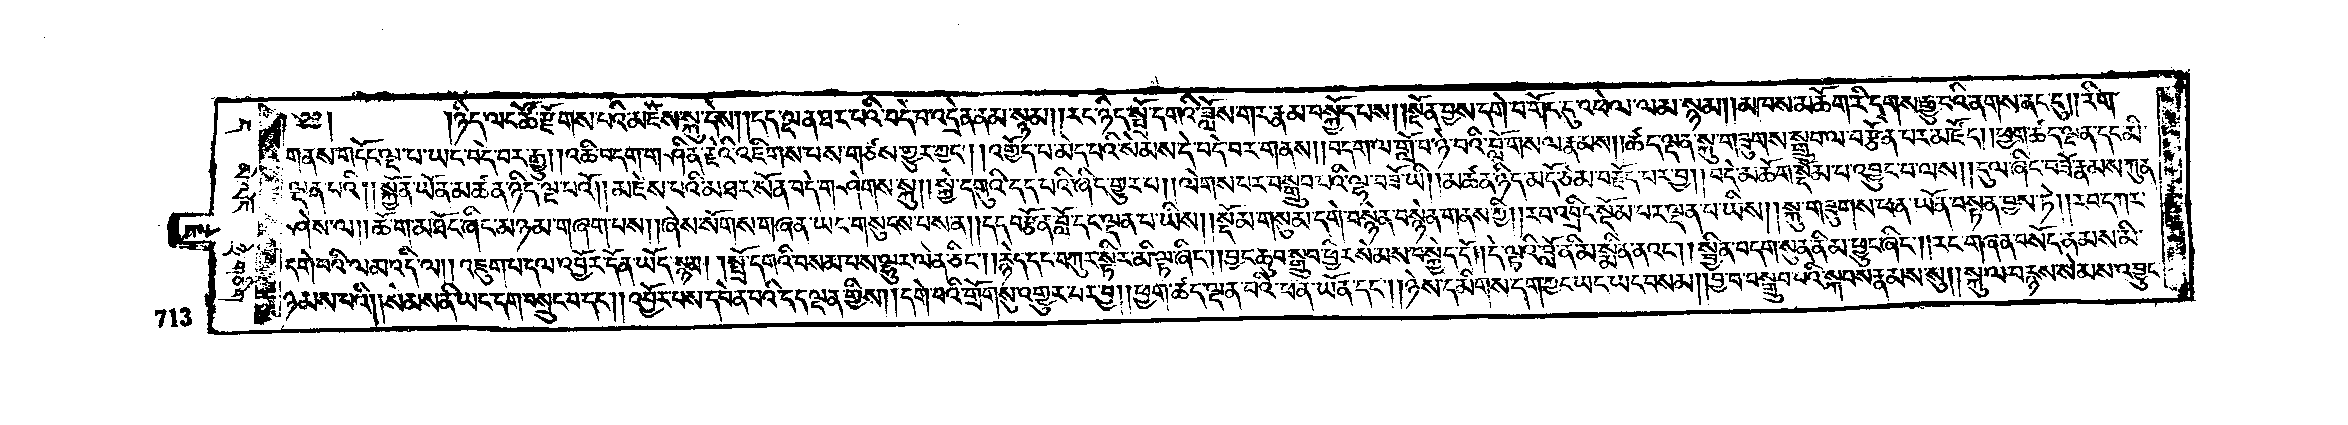༄༅། །ཉིད་ལང་ཚོ་རྫོགས་པའི་མཛེས་སྐུ་དེས། །དད་ལྡན་ཐར་པའི་བདེ་བ་འདྲེན་ནམ་སྙམ། །རང་ཉིད་སྤྲོ་དགའི་ཟློས་གར་རྣམ་བསྐྱོད་པས། །སྔོན་བྱས་དགེ་བ་གོང་དུ་འཕེལ་ལམ་སྙམ། །མཁས་མཆོག་རི་དྭགས་རྒྱུ་བའི་ནགས་ནང་དུ། །རིག་
གནས་གདོང་ལྔ་པ་ཡང་བདེ་བར་རྒྱུ། །འཆི་བདག་གཤིན་རྗེའི་འཇིགས་པས་གཙས་གྱུར་ཀྱང་། །འགྱོད་པ་མེད་པའི་སེམས་དེ་བདེ་བར་གནས། །བདག་ལ་གློ་བ་ཉེ་བའི་བློ་གསལ་རྣམས། །ཚད་ལྡན་སྐུ་གཟུགས་སྒྲུབ་ལ་བརྩོན་པར་མཛོད། །ཕྱག་ཚད་ལྡན་དང་མི་
ལྡན་པའི། །སྐྱོན་ཡོན་མཚན་ཉིད་ལྔ་པའོ། །མཛེས་པའི་མཐར་སོན་བདེ་གཤེགས་སྐུ། །སྐྱེ་དགུའི་དད་པའི་ཞིང་གྱུར་པ། །ལེགས་པར་བསྒྲུབ་པའི་ལྷ་བཟོ་ཡི། །མཚན་ཉིད་མདོ་ཙམ་བརྗོད་པར་བྱ། །བདེ་མཆོག་སྡོམ་པ་འབྱུང་བ་ལས། །དུལ་ཞིང་བཟོ་རྣམས་ཀུན་
ཤེས་ལ། །ཆོ་ག་མཐོང་ཞིང་མཉམ་གཞག་པས། །ཞེས་སོགས་གཞན་ཡང་གསུངས་པས་ན། །དད་བརྩོན་བློ་དང་ལྡན་པ་ཡིས། །སྡོམ་གསུམ་དགེ་བསྙེན་བསྙེན་གནས་ཀྱི། །རབ་འབྲིང་སྡོམ་པར་ལྡན་པ་ཡིས། །སྐུ་གཟུགས་ཕན་ཡོན་བསྟན་བྱས་ཏེ། །རབ་དཀར་
དགེ་བའི་ལམ་འདི་ལ། །འཇུག་པ་དལ་འབྱོར་དོན་ཡོད་སྙམ། །སྤྲོ་དགའི་བསམ་པས་ལྷུར་ལེན་ཅིང་། །རྙེད་དང་བཀུར་སྟིར་མི་ལྟ་ཞིང་། །བྱང་ཆུབ་སྒྲུབ་ཕྱིར་སེམས་བསྐྱེད་དོ། །དེ་ལྟའི་བློ་ནི་མ་སྨིན་ནའང་། །སྦྱིན་བདག་སུན་ནི་མ་ཕྱུང་ཞིང་། །རང་གཞན་བསོད་ནམས་མི་
ཉམས་པའི། །སེམས་ནི་ཡང་དག་བསྲུང་བ་དང་། །འབྱོར་པས་དབེན་པའི་དད་ལྡན་གྱིས། །དགེ་བའི་གྲོགས་སུ་འགྱུར་བར་བྱ། །ཕྱག་ཚད་ལྡན་པའི་ཕན་ཡོན་དང་། །ཉེས་དམིགས་དག་ཀྱང་ཡང་ཡང་བསམ། །བྱ་བ་བསྒྲུབ་པའི་སྐབས་རྣམས་སུ། །སྐུ་ལ་བརྙས་སེམས་འབྱུང་